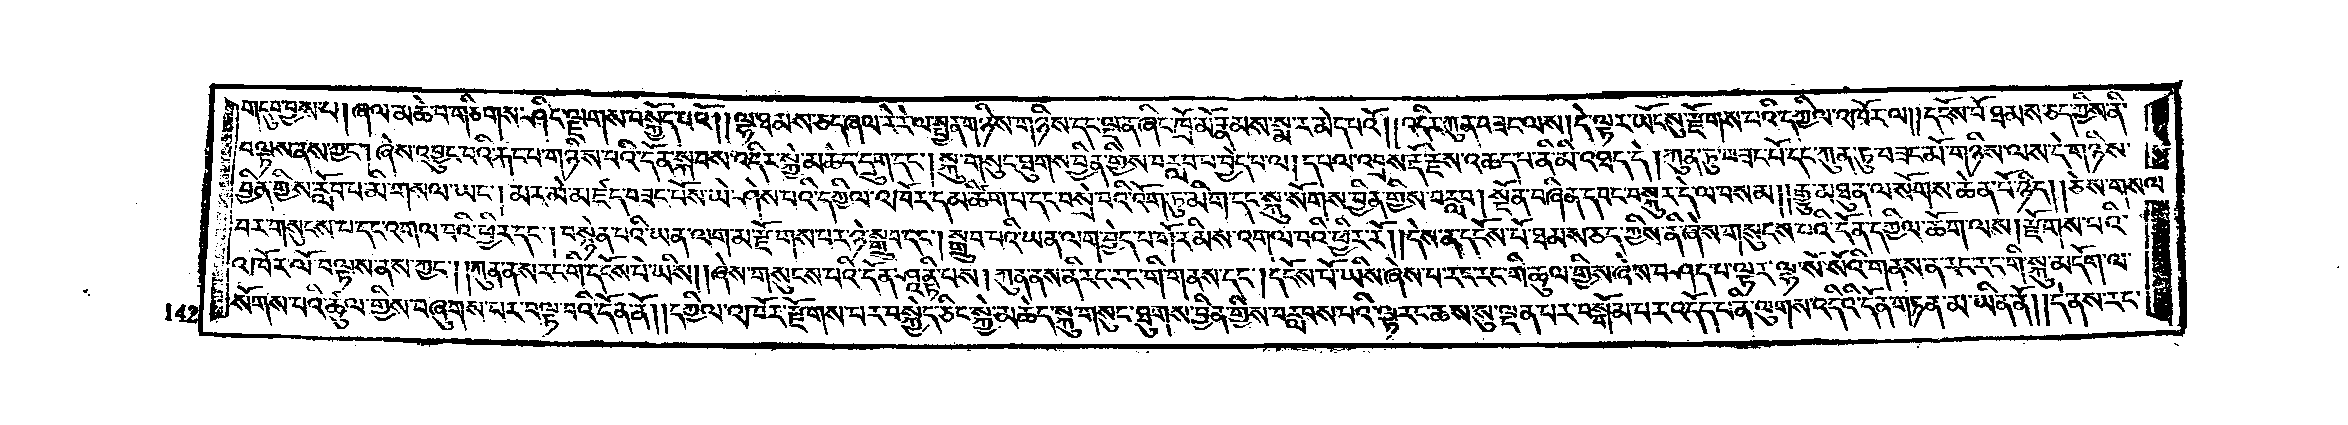གདུབ་བྱས་པ། ཞལ་མཆེ་བ་གཙིགས་ཤིང་ལྗགས་བསྐྱོད་པའོ། །ལྷ་ཐམས་ཅད་ཞལ་རེ་རེ་ལ་སྤྱན་གཉིས་གཉིས་དང་ལྡན་ཞིང་ཁྲོ་མོ་རྣམས་སྨ་ར་མེད་པའོ། །འདིར་ཀུན་བཟང་ལས། དེ་ལྟར་ཡོངས་སུ་རྫོགས་པའི་དཀྱིལ་འཁོར་ལ། །དངོས་པོ་ཐམས་ཅད་ཀྱིས་ནི་
བལྟས་ནས་ཀྱང་། ཞེས་འབྱུང་བའི་རྐང་པ་གཉིས་པའི་དོན་སྐབས་འདིར་སྐྱེ་མཆེད་དྲུག་དང་། སྐུ་གསུང་ཐུགས་བྱིན་གྱིས་བརླབ་པ་བྱེད་པ་ལ། དཔལ་འབྲས་རྡོ་རྗེ་འཆད་པ་ནི་མི་འཐད་དེ། ཀུན་ཏུ་བཟང་པོ་དང་ཀུན་ཏུ་བཟང་མོ་གཉིས་ལས་དེ་གཉིས་
བྱིན་གྱིས་རློབ་པ་མི་གསལ་ཡང་། མར་མེ་མཛད་བཟང་པོས་ཡེ་ཤེས་པའི་དཀྱིལ་འཁོར་དམ་ཚིག་པ་དང་བསྲེ་བའི་འོག་ཏུ་མིག་དང་སྐུ་སོགས་བྱིན་གྱིས་བརླབ། སྔོན་བཞིན་དབང་བསྐུར་དེ་ལ་བསམ། །རྒྱུ་མཐུན་ལ་སོགས་ཆེན་པོ་ཉིད། །ཅེས་གསལ་
བར་གསུངས་པ་དང་འགལ་བའི་ཕྱིར་དང་། བསྙེན་པའི་ཡན་ལག་མ་རྫོགས་པར་ཉེ་སྒྲུབ་དང་། སྒྲུབ་པའི་ཡན་ལག་བྱེད་པ་གོ་རིམས་འགལ་བའི་ཕྱིར་རོ། །དེས་ན་དངོས་པོ་ཐམས་ཅད་ཀྱིས་ནི་ཞེས་གསུངས་པའི་དོན་དཀྱིལ་ཆོག་ལས། རྫོགས་པའི་
འཁོར་ལོ་བལྟས་ནས་ཀྱང་། །ཀུན་ནས་རང་གི་དངོས་པོ་ཡིས། །ཞེས་གསུངས་པའི་དོན་ཤཱནྟི་པས། ཀུན་ནས་ནི་རང་རང་གི་གནས་དང་། དངོས་པོ་ཡིས་ཞེས་པ་རང་རང་གི་ཚུལ་གྱིས་ཞེས་བཤད་པ་ལྟར་ལྷ་སོ་སོའི་གནས་ན་རང་རང་གི་སྐུ་མདོག་ལ་
སོགས་པའི་ཚུལ་གྱིས་བཞུགས་པར་བལྟ་བའི་དོན་ནོ། །དཀྱིལ་འཁོར་རྫོགས་པར་བསྐྱེད་ཅིང་སྐྱེ་མཆེད་སྐུ་གསུང་ཐུགས་བྱིན་གྱིས་བརླབས་པའི་ལྷ་རང་ཆས་སུ་ལྡན་པར་བསྒོམ་པར་འདོད་པ་ནི་ལུགས་འདིའི་དོན་གཏན་མ་ཡིན་ནོ། །དེ་ནས་རང་